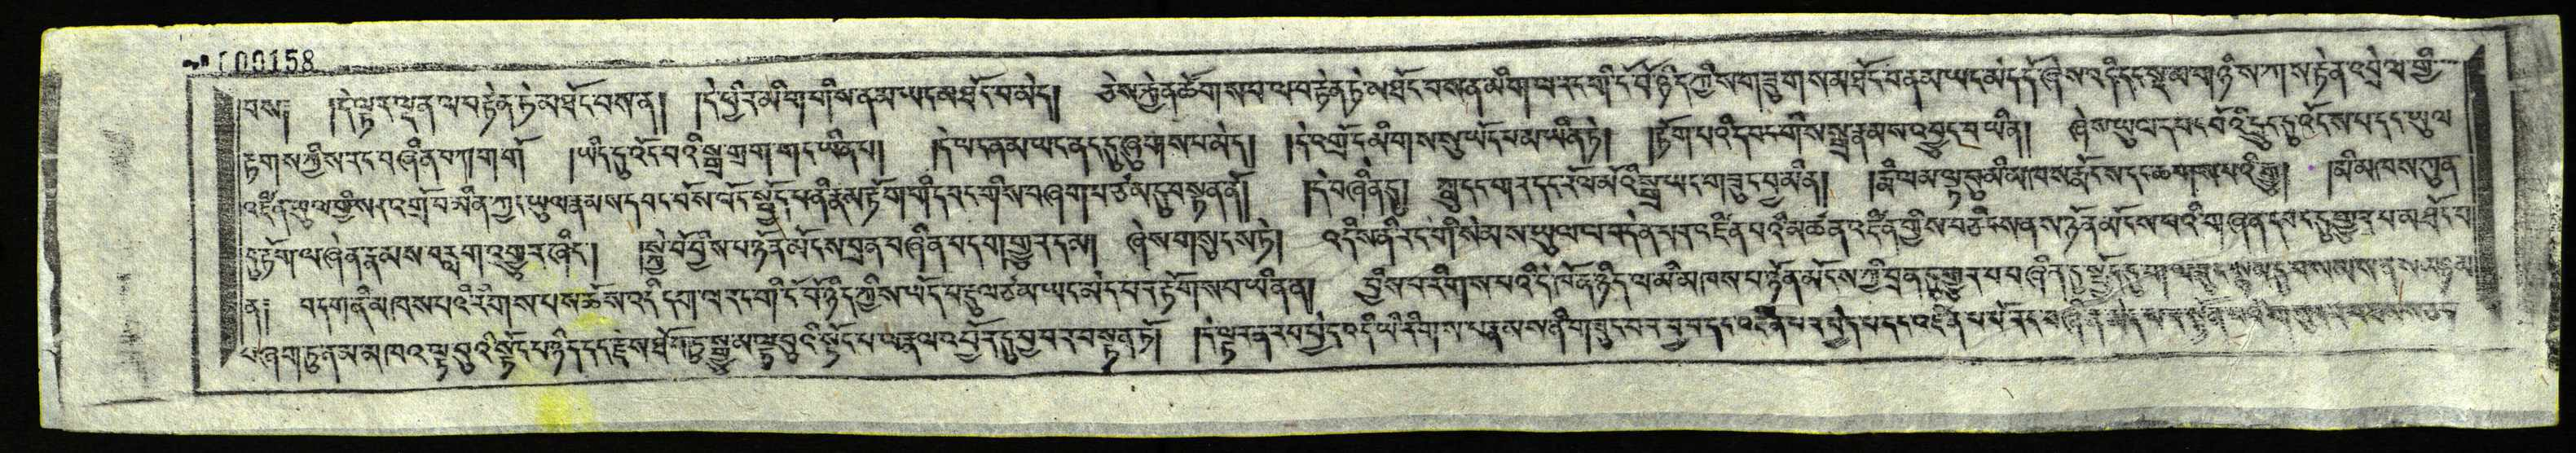བས༑ །དེ་ལྟར་ལྡན་ལ་བརྟེན་ཏེ་མཐོང་བས་ན། །དེ་ཕྱིར་མིག་གིས་ནམ་ཡང་མཐོང་བ་མེད། ཅེས་རྐྱེན་ཚོགས་པ་ལ་བརྟེན་ཏེ་མཐོང་བས་ན་མིག་ལ་རང་གི་ངོ་བོ་ཉིད་ཀྱིས་གཟུགས་མཐོང་བ་ནམ་ཡང་མེད་དོ་ཞེས་འདི་དང་སྔ་མ་གཉིས་ཀས་རྟེན་འབྲེལ་གྱི་
རྟགས་ཀྱིས་རང་བཞིན་བཀག་གོ །ཡིད་དུ་འོང་བའི་སྒྲ་གྲག་གང་ཡིན་པ། །དེ་ཡང་ནམ་ཡང་ནང་དུ་ཞུགས་པ་མེད། །དེ་འགྲོ་དམིགས་སུ་ཡོད་པ་མ་ཡིན་ཏེ། །རྟོག་པའི་དབང་གིས་སྒྲ་རྣམས་འབྱུང་བ་ཡིན། ཞེས་ཡུལ་དབང་པོའི་དྲུང་དུ་འོངས་པ་དང་ཡུལ་
འཛིན་ཡུལ་གྱི་སར་འགྲོ་བ་མིན་ཀྱང་ཡུལ་རྣམས་དབང་པོས་ལོང་སྤྱོད་པ་ནི་རྣམ་རྟོག་གི་དབང་གིས་བཞག་པ་ཙམ་དུ་བསྟན་ནོ། །དེ་བཞིན་དུ། ཀླུ་དང་གར་དང་རོལ་མོའི་སྒྲ་ཡང་གཟུང་བྱ་མིན། །རྨི་ལམ་ལྟ་བུ་མི་མཁས་རྨོངས་དང་ཆགས་པའི་རྒྱུ། །མི་མཁས་ཀུན་
དུ་རྟོག་ལ་ཞེན་རྣམས་བརླག་འགྱུར་ཞིང་། །སྐྱེ་བོ་བྱིས་པ་ཉོན་མོངས་བྲན་བཞིན་བདག་གྱུར་དམ། ཞེས་གསུངས་ཏེ། འདིས་ནི་རང་གི་སེམས་ཡུལ་ལ་བདེན་པར་འཛིན་པའི་མཚན་འཛིན་གྱིས་བཅིངས་ནས་ཉོན་མོངས་པའི་གཞན་དབང་དུ་གྱུར་པ་མཐོང་བ་
ན༑ བདག་ནི་མཁས་པའི་རིགས་པས་ཆོས་འདི་དག་ལ་རང་གི་ངོ་བོ་ཉིད་ཀྱིས་ཡོད་པ་རྡུལ་ཙམ་ཡང་མེད་པར་རྟོགས་པ་ཡིན་ན། བྱིས་པ་རིགས་པའི་དེ་ཁོ་ན་ཉིད་ལ་མི་མཁས་པ་ཉོན་མོངས་ཀྱི་བྲན་དུ་གྱུར་པ་བཞིན་དུ་སྤྱོད་དུ་ག་ལ་རུང་སྙམ་དུ་བས་ལས་ནས་མཉམ་
བཞག་ཏུ་ནམ་མཁའ་ལྟ་བུའི་སྟོང་པ་ཉིད་དང་རྗེས་ཐོབ་ཏུ་སྒྱུ་མ་ལྟ་བུའི་སྟོང་པ་ལ་རྣལ་འབྱོར་དུ་བྱ་བར་བསྟན་ཏོ། །དེ་ལྟར་ན་རབ་བྱེད་འདི་ཡི་རིགས་པ་རྣམས་ནི་གཟུང་བར་བྱ་བ་དང་འཛིན་པར་བྱེད་པ་དང་འཛིན་པ་པོ་རང་བཞིན་མེད་པར་སྟོན་པའི་གསུང་རབ་ཐམས་ཅད་